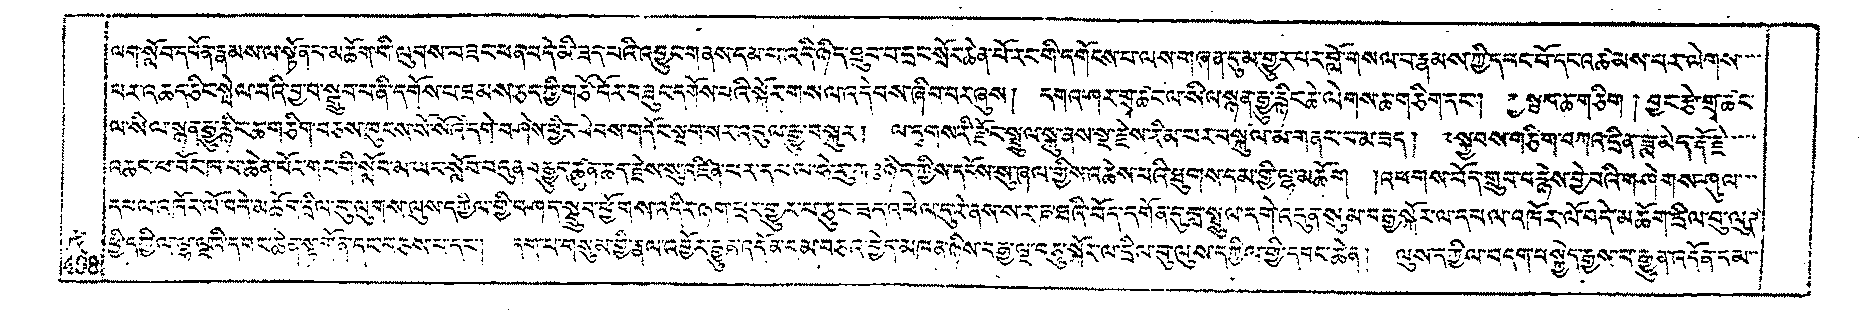ལག་སློབ་དཔོན་རྣམས་ལ་སྟོན་པ་མཆོག་གི་ལུགས་བཟང་ཕན་བདེ་མི་ཟད་པའི་འབྱུང་གནས་དམ་པ་འདི་ཉིད་ཐུབ་པ་དྲང་སྲོང་ཆེན་པོ་རང་གི་དགོངས་པ་ལས་གཞན་དུ་མ་གྱུར་པར་བློ་གསལ་བ་རྣམས་ཀྱི་དབང་པོ་དང་འཚམས་པར་ལེགས་
པར་འཆད་ཅིང་སྤེལ་བའི་བྱ་བ་སྒྲུབ་པ་ནི་དགོས་པ་ཐམས་ཅད་ཀྱི་གཙོ་བོར་བཟུང་དགོས་པའི་སྐོར་གསལ་འདེབས་ཞིབ་པར་ཞུས། དགའ་ཤར་གྲྭ་ཚང་ལ་སིལ་སྙན་རྒྱུ་རྙིང་ཆེ་ལེགས་ཆ་གཅིག་དང་། རྒྱ་སྦབ་ཆ་གཅིག །བྱང་རྩེ་གྲྭ་ཚང་
ལ་སིལ་སྙན་རྒྱུ་རྙིང་ཆ་གཅིག་བཅས་ཁུངས་སོ་སོའི་དགེ་བཤེས་ཕྱིར་ཕེབས་གདོང་སྦག་སར་འབུལ་རྒྱུ་བསྐུར། ལ་དྭགས་རི་རྫོང་སྤྲུལ་སྐུ་ནས་སྔ་རྗེས་རིམ་པར་བསྐུལ་མ་གནང་བ་མ་ཟད། ༧སྐྱབས་གཅིག་བཀའ་དྲིན་ཟླ་མེད་རྡོ་རྗེ་
འཆང་ཕ་བོང་ཁ་པ་ཆེན་པོར་གང་གི་སློབ་མ་ཡང་སློབ་བདུན་བརྒྱུད་ཚུན་ཆད་རྗེས་སུ་འཛིན་པར་དཔལ་ཧེ་རུ་ཀཿ ཉིད་ཀྱིས་དངོས་སུ་ཞལ་གྱིས་འཆེས་པའི་ཐུགས་དམ་གྱི་ལྷ་མཆོག །འཕགས་བོད་གྲུབ་བརྙེས་བྱེ་བའི་གཤེགས་ཤུལ་
དཔལ་འཁོར་ལོ་བདེ་མཆོག་དྲིལ་བུ་ལུགས་ལུས་དཀྱིལ་གྱི་བཤད་སྒྲུབ་ཕྱོགས་འདིར་ཉག་ཕྲར་གྱུར་པ་ཅུང་ཟད་འཕེལ་དུ་རེ་ནས་ས་ར་ཎ་ཐའི་བོད་དགོན་དུ་བླ་སྤྲུལ་དགེ་འདུན་སུམ་བརྒྱ་སྐོར་ལ་དཔལ་འཁོར་ལོ་བདེ་མཆོག་དྲིལ་བུ་ལུགས་
ཕྱི་དཀྱིལ་ལྷ་ལྔའི་དབང་ཆེན་སྟ་གོན་དང་བཅས་པ་དང་། དག་པ་གསུམ་གྱི་རྣལ་འབྱོར་རྒྱུན་འདོན་དམ་བཅའ་བྱེད་མཁན་ཉིས་བརྒྱ་ལྔ་བཅུ་སྐོར་ལ་དྲིལ་བུ་ལུས་དཀྱིལ་གྱི་དབང་ཆེན། ལུས་དཀྱིལ་བདག་བསྐྱེད་རྒྱས་པ་རྒྱུན་འདོན་དམ་